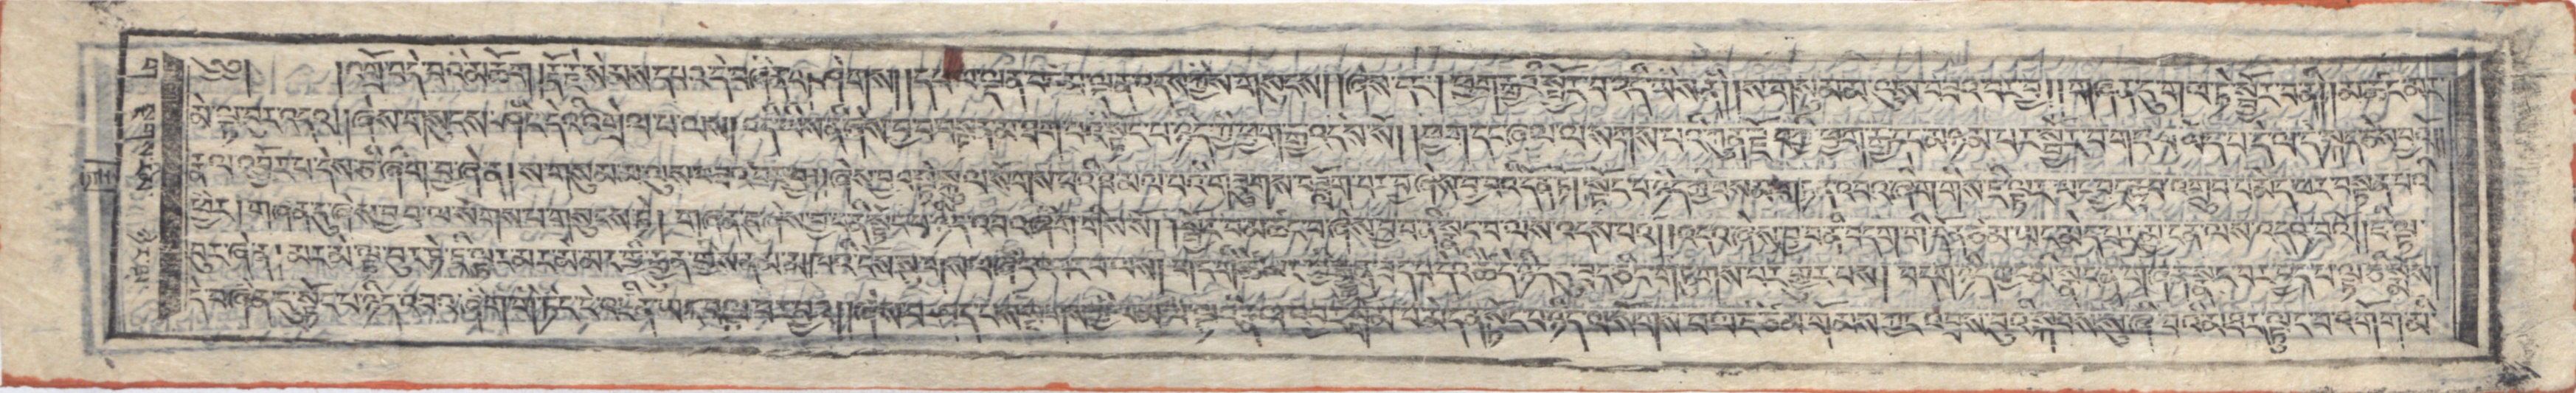༄༅། །འགྲོ་བདེ་བའི་མཆོག །རྡོ་རྗེ་སེམས་དཔའ་དེ་བཞིན་གཤེགས། །དཔལ་ལྡན་བཅོམ་ལྡན་འདས་ཀྱིས་གསུངས། །ཞེས་དང་། ཕྱག་རྒྱའི་སྦྱོར་བ་འདི་ཡིས་ནི། །ས་གསུམ་མ་ལུས་བཟའ་བར་བྱ། །གཞན་དུ་གལ་ཏེ་སྦྱོར་བ་ནི། །མ་ཚང་མར་
མེ་ལྟ་བུར་འདའ། །ཞེས་གསུངས་ཤིང་དེའི་འགྲེལ་པ་ལས། འདི་ཡིས་ནི་ཞེས་བྱ་བ་བསྟན་མ་ཐག་པའི་སྟོང་པ་ཉིད་ཀྱི་ཕྱག་རྒྱ་འདིས་སོ། །ཕྱག་དང་ཞལ་ལ་སོགས་པའི་ཀུན་རྫོབ་ཀྱི་ཕྱག་རྒྱ་དང་མཉམ་པར་སྦྱོར་བ་གང་ལ་ཡོད་པ་དེ་ལ་དེ་སྐད་ཅེས་བྱའོ།།
རྣལ་འབྱོར་པ་དེས་ཅི་ཞིག་བྱ་ཞེ་ན། ས་གསུམ་མ་ལུས་བཟའ་བར་བྱ། །ཞེས་བྱ་བ་སྟེ་སྐུ་ལ་སོགས་པའི་ཐ་མལ་པའི་གཟུགས་བཟློག་པར་བྱ་ཞེས་བྱ་བའི་དོན་ཏོ། །སྟོང་པ་ཉིད་ཀྱི་བསམ་གཏན་འབའ་ཞིག་གིས་ཇི་ལྟར་ཡང་བྱང་ཆུབ་འགྲུབ་པ་མེད་པར་བསྟན་པའི་
ཕྱིར། གཞན་དུ་ཞེས་བྱ་བ་ལ་སོགས་པ་གསུངས་ཏེ། གཞན་དུ་ཞེས་བྱ་བ་ནི་སྟོང་པ་ཉིད་འབའ་ཞིག་གིས་སོ། །སྦྱོར་བ་མ་ཚང་བ་ཞེས་བྱ་བ་ནི་སྣང་བ་ལས་འདས་པའོ། །འདའ་ཞེས་བྱ་བ་ནི་བདག་གི་དོན་ཙམ་ཡང་མེད་པར་མྱ་ངན་ལས་འདའ་བའོ། །ཇི་ལྟ་
བུར་ཞེ་ན། མར་མེ་ལྟ་བུར་ཏེ་ཇི་ལྟར་མར་མེ་མར་གྱི་རྒྱུན་གྱིས་ནམ་མཁའི་ངོས་སུ་གསལ་ཞིང་འབར་བ་ལས། གང་གི་ཚེ་མར་གྱི་རྒྱུན་ཟད་པ་དེའི་ཚེ་དེ་ཉིད་དུ་ཟད་ཅིང་གཏུགས་པར་གྱུར་པས། བདག་ཉིད་ཀྱང་མི་སྣང་ན་གཞན་སྣང་བར་བྱད་པ་ལྟ་ཅི་སྨོས།
དེ་བཞིན་དུ་སྟོང་པ་ཉིད་འབའ་ཞིག་གི་ཏིང་ངེ་འཛིན་ཡང་བལྟ་བར་བྱའོ། །ཞེས་བཤད་པས་སྔགས་ཀྱི་ལམ་ལ་ལྷའི་རྣལ་འབྱོར་སྒོམ་པ་མེད་ན་སྟོང་པ་ཉིད་ལ་སོགས་པ་ལ་ཇི་ཙམ་གོམས་ཀྱང་འབྲས་བུའི་སྐབས་སུ་ཞི་བའི་མཐར་ལྟུང་བ་འགོག་མི་